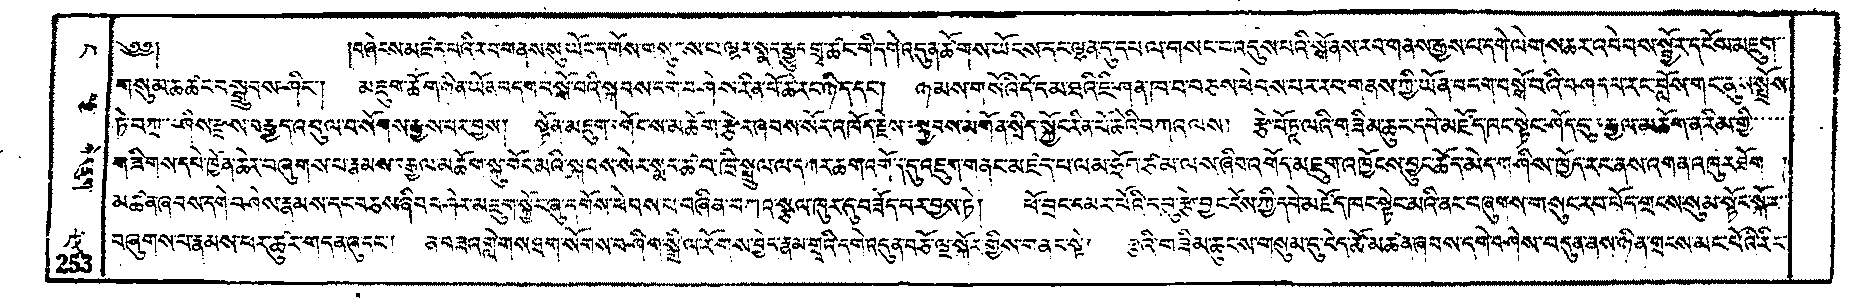༄༅། །བཞེངས་མཛད་པའི་རབ་གནས་སུ་ཡོང་དགོས་གསུངས་པ་ལྟར་སྨད་རྒྱུད་གྲྭ་ཚང་གི་དགེ་འདུན་ཚོགས་ཡོངས་དང་ལྷན་དུ་དཔལ་གསང་བ་འདུས་པའི་སྒོ་ནས་རབ་གནས་རྒྱས་པ་དགེ་ལེགས་ཆར་འབེབས་སྦྱོར་དངོས་མཇུག་
གསུམ་ཆ་ཚང་བསྒྲུབས་ཤིང་། མཇུག་ཆོག་ཉིན་ཡོན་བདག་བསྒོ་བའི་སྐབས་དགེ་བཤེས་རིན་པོ་ཆེ་རང་ཉིད་དང་། ཉམས་གསོའི་དོ་དམ་ཐའི་ཇི་ཤན་ཁ་བ་བཅས་ཕེབས་པར་རབ་གནས་ཀྱི་ཡོན་བདག་བསྒོ་བའི་བཤད་པ་རང་བློས་གང་ནུས་སྤྲོས་
ཏེ་བཀྲ་ཤིས་རྫས་བརྒྱད་འབུལ་བ་སོགས་རྒྱས་པར་བྱས། སྟོན་མཇུག་༧གོང་ས་མཆོག་རྩེར་ཞབས་སོར་འཁོད་རྗེས་༧སྐྱབས་མགོན་སྲིད་སྐྱོང་རིན་པོ་ཆེའི་བཀའ་ལས། རྩེ་པོ་ཏཱ་ལའི་གཟིམ་ཆུང་དཔེ་མཛོད་ཁང་སྟེང་ཤོད་དུ་༧རྒྱལ་མཆོག་ན་རིམ་གྱི་
གཟིགས་དཔེ་ཁྱོན་ཆེར་བཞུགས་པ་རྣམས་༧རྒྱལ་མཆོག་སྐུ་གོང་མའི་སྐབས་སེར་སྨད་ཚ་བ་ཁྲི་སྤྲུལ་ལ་དཀར་ཆག་འགོད་དུ་འཇུག་གནང་མཛད་པ་ལམ་ཧྲོབ་ཙམ་ལས་ཞིབ་འགོད་མཇུག་འཁྱོངས་བྱུང་ཚོད་མེད་གཤིས་ཁྱོད་རང་ནས་འགན་འཁུར་ཐོག །
མཚན་ཞབས་དགེ་བཤེས་རྣམས་དང་བཅས་ཞིབ་བཤེར་མཇུག་སྐྱོང་ཞུ་དགོས་ཕེབས་པ་བཞིན་བཀའ་སྩལ་ཁུར་དུ་བཟོད་པར་བྱས་ཏེ། ཕོ་བྲང་དམར་པོའི་དབུ་རྩེ་བྱང་ངོས་ཀྱི་དཔེ་མཛོད་ཁང་སྟེང་མའི་ནང་བཞུགས་གསུང་རབ་པོད་གྲངས་སུམ་སྟོང་སྐོར་
བཞུགས་པ་རྣམས་ཕར་ཚུར་གདན་ཞུ་དང་། ན་བཟའ་གླེགས་ཐག་སོགས་བཤིག་སྒྲིལ་རོགས་བྱེད་རྣམ་གྲྭའི་དགེ་འདུན་བཅོ་ལྔ་སྐོར་གྱིས་གནང་སྟེ། རྩའི་གཟིམ་ཆུང་ས་གསུམ་དུ་ངེད་ཚོ་མཚན་ཞབས་དགེ་བཤེས་བདུན་ནས་ཉིན་གྲངས་མང་པོའི་རིང་